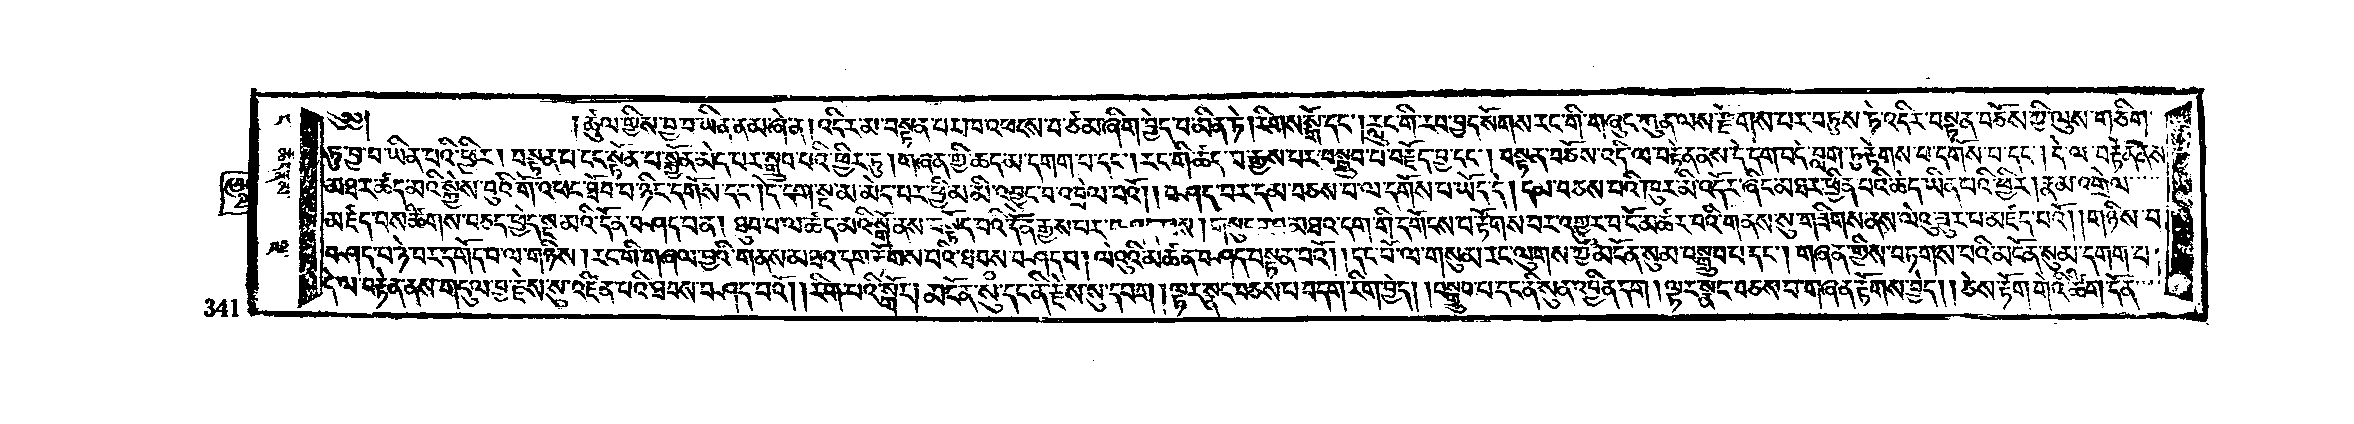༄༅། །ཚུལ་གྱིས་བྱ་བ་ཡིན་ནམ་ཞེས་ན། འདིར་མ་བསྟན་པར་ཁ་འཕངས་པ་ཙམ་ཞིག་བྱེད་པ་མིན་ཏེ། རིགས་སྒོ་དང་། རླུང་གི་རབ་བྱེད་སོགས་རང་གི་གཞུང་ཀུན་ལས་རྫོགས་པར་བཏུས་ཏེ་འདིར་བསྟན་བཅོས་ཀྱི་ལུས་གཅིག་
ཏུ་བྱ་བ་ཡིན་པའི་ཕྱིར། བསྟན་པ་དང་སྟོན་པ་སྐྱོན་མེད་པར་སྒྲུབ་པའི་ཕྱིར། ཏུ། གཞན་གྱི་ཚད་མ་དགག་པ་དང་། རང་གི་ཚད་མ་རྒྱས་པར་བསྒྲུབ་པ་བརྗོད་བྱ་དང་། བསྟན་བཅོས་འདི་ལ་བརྟེན་ནས་དེ་དག་བདེ་བླག་ཏུ་རྟོགས་པ་དགོས་པ་དང་། དེ་ལ་བརྟེན་ནས་
མཐར་ཚད་མའི་སྐྱེས་བུའི་གོ་འཕང་ཐོབ་པ་ཉིད་དགོས་དང་། དེ་དག་སྔ་མ་མེད་པར་ཕྱི་མ་མི་འབྱུང་བ་འབྲེལ་པའོ། །བཤད་པར་དམ་བཅས་པ་ལ་དགོས་པ་ཡོད་དེ། དམ་བཅས་པའི་ཁུར་མི་འདོར་ཞིང་མཐར་ཕྱིན་པའི་ཆེད་ཡིན་པའི་ཕྱིར། རྣམ་འགྲེལ་
མཛད་བས་ཚིགས་བཅད་ཕྱེད་སྔ་མའི་དོན་བཤད་པ་ན། ཐུབ་པ་ལ་ཚད་མའི་སྒོ་ནས་བསྟོད་པའི་དོན་རྒྱས་པར་བཤད་པས། གསུང་རབ་མཐའ་དག་གི་དགོངས་པ་རྟོགས་པར་འགྱུར་བ་ངོ་མཚར་བའི་གནས་སུ་གཟིགས་ནས་ལེའུ་ཟུར་པ་མཛད་པའོ། །གཉིས་པ་
བཤད་པ་ཉེ་བར་དགོད་པ་ལ་གཉིས། རང་གི་གཞལ་བྱའི་གནས་མཐའ་དག་རྟོགས་པའི་ཐབས་བཤད་པ་། ལེའུའི་མཚན་བཤད་བསྟན་པའོ། །དང་པོ་ལ་གསུམ་རང་ལུགས་ཀྱི་མངོན་སུམ་བསྒྲུབ་པ་དང་། གཞན་གྱིས་བཏགས་པའི་མངོན་སུམ་དགག་པ་།
དེ་ལ་བརྟེན་ནས་གདུལ་བྱ་རྗེས་སུ་འཛིན་པའི་ཐབས་བཤད་པའོ། །རིག་པའི་སྒོར། མངོན་སུམ་དང་ནི་རྗེས་སུ་དབག །ལྟར་སྣང་བཅས་པ་བདག་རིག་བྱེད། །བསྒྲུབ་པ་དང་ནི་སུན་འབྱིན་དག །ལྟར་སྣང་བཅས་པ་གཞན་རྟོགས་བྱེད། །ཅེས་རྟོག་གེའི་ཚིག་དོན་